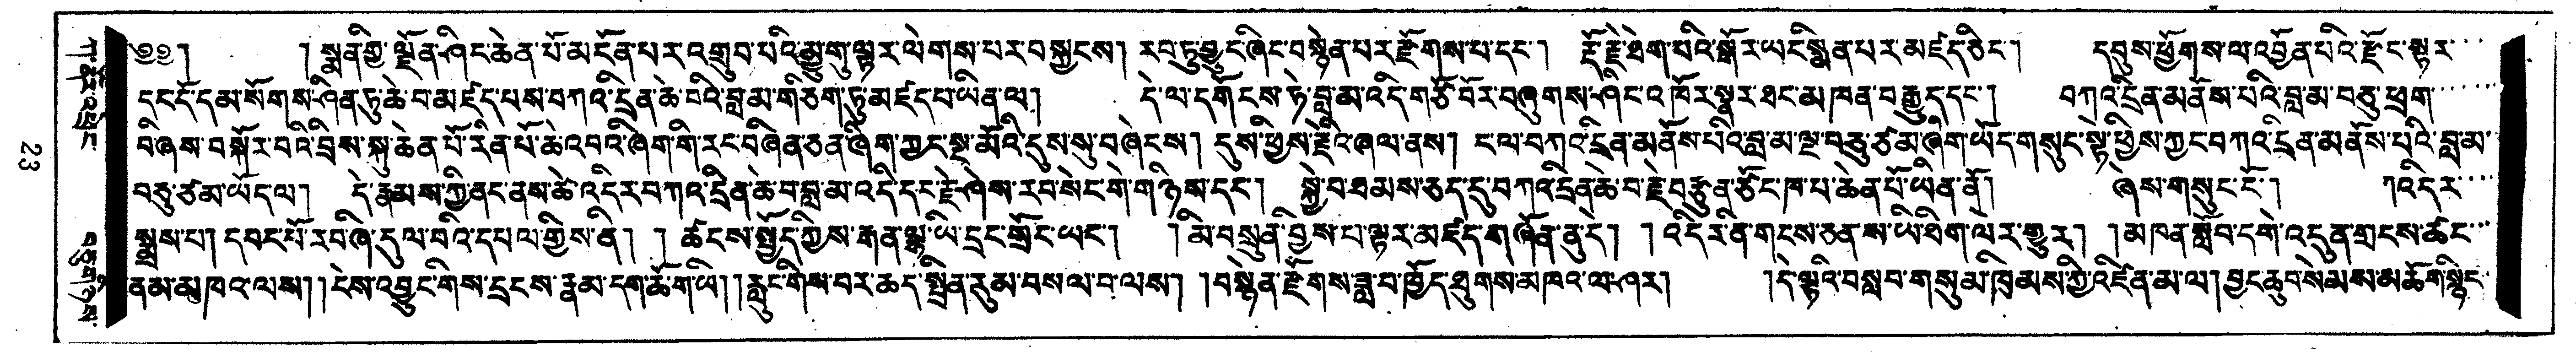༄༅། །སྨན་གྱི་ལྗོན་ཤིང་ཆེན་པོ་མངོན་པར་འགྲུབ་པའི་མྱུ་གུ་ལྟར་ལེགས་པར་བསྐྱངས། རབ་ཏུ་བྱུང་ཞིང་བསྙེན་པར་རྫོགས་པ་དང་། རྡོ་རྗེ་ཐེག་པའི་སྒོར་ཡང་སྨིན་པར་མཛད་ཅིང་། དབུས་ཕྱོགས་ལ་འབྱོན་པའི་རྫོང་སྟར་
དང་དོ་དམ་སོགས་ཤིན་ཏུ་ཆེ་བ་མཛད་པས་བཀའ་དྲིན་ཆེ་བའི་བླ་མ་གཅིག་ཏུ་མཛད་པ་ཡིན་ལ། དེ་ལ་དགོངས་ཏེ་བླ་མ་འདི་གཙོ་བོར་བཞུགས་ཤིང་འཁོར་སྣར་ཐང་མཁན་བརྒྱུད་དང་། བཀའ་དྲིན་མནོས་པའི་བླ་མ་བཅུ་ཕྲག་
བཞིས་བསྐོར་བའི་བྲིས་སྐུ་ཆེན་པོ་རིན་པོ་ཆེ་འབའ་ཞིག་གི་རང་བཞིན་ཅན་ཞིག་ཀྱང་སྔ་མོའི་དུས་སུ་བཞེངས། དུས་ཕྱིས་རྗེའི་ཞལ་ནས། ང་ལ་བཀའ་དྲིན་མནོས་པའི་བླ་མ་ལྔ་བཅུ་ཙམ་ཞིག་ཡོད་གསུང་སྟེ་ཕྱིས་ཀྱང་བཀའ་དྲིན་མནོས་པའི་བླ་མ་
བཅུ་ཙམ་ཡོད་ལ། དེ་རྣམས་ཀྱི་ནང་ནས་ཚེ་འདིར་བཀའ་དྲིན་ཆེ་བ་བླ་མ་འདི་དང་རྗེ་ཤེས་རབ་སེང་གེ་གཉིས་དང་། སྐྱེ་བ་ཐམས་ཅད་དུ་བཀའ་དྲིན་ཆེ་བ་རྗེ་བརྩུན་ཙོང་ཁ་པ་ཆེན་པོ་ཡིན་ནོ། ཞེས་གསུང་ངོ། །འདིར་
སྨྲས་པ། དབང་པོ་རབ་ཞི་དུལ་བའི་དཔལ་གྱིས་ནི། །ཚངས་སྤྱོད་ཀྱིས་རྒན་ལྷ་ཡི་དྲང་སྲོང་ཡང་། །མི་བསྲུན་བྱིས་པ་ལྟར་མཛད་གཞོན་ནུ་དེ། །འདིར་ནི་གངས་ཅན་ས་ཡི་ཐིག་ལེར་གྱུར། །མཁན་སློབ་དགེ་འདུན་གྲངས་ཚང་
ནམ་མཁའ་ལས། །ངེས་འབྱུང་གིས་དྲངས་རྣམ་དག་ཆོ་ག་ཡི། །རླུང་གིས་བར་ཆད་སྤྲིན་རུམ་བསལ་བ་ལས། །བསྙེན་རྫོགས་ཟླ་བ་ཁྱོད་ཐུགས་མཁའ་ལ་ཤར། །དེ་ལྟའི་བསླབ་གསུམ་ཁྲིམས་ཀྱི་འཛིན་མ་ལ། བྱང་ཆུབ་སེམས་མཆོག་སྙིང་